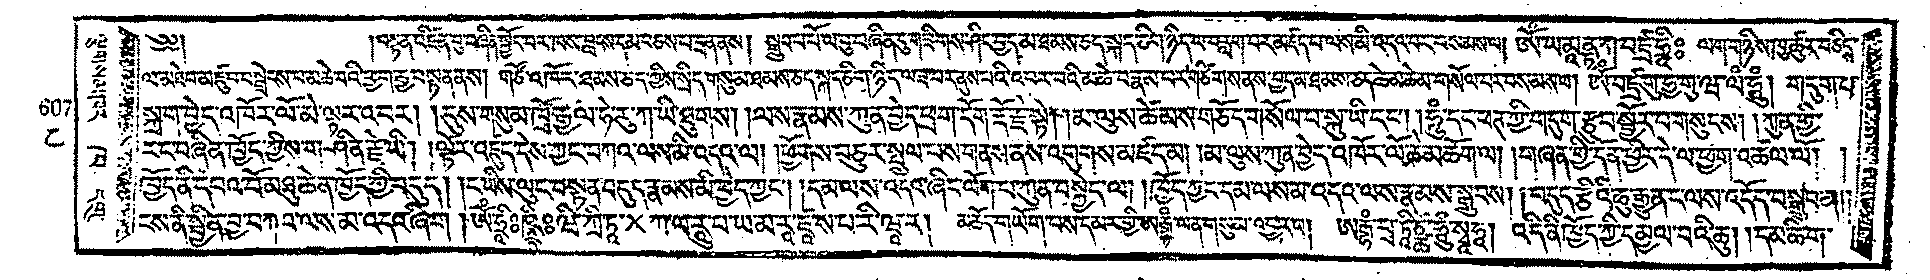༄༅། །བསྟན་འཛིན་བུ་བཞིན་སྐྱོང་བར་ཁས་བླངས་དམ་བཅས་པ་དྲན་ནས། སྒྲུབ་པ་པོ་ལ་བུ་བཞིན་དུ་གཟིགས་ཤིང་བྱད་མ་ཐམས་ཅད་སྐད་ཅིག་ཉིད་ལ་བརླག་པར་མཛད་པ་ལས་མི་འདའ་བར་བསམས་ལ།  ཨོཾ་ཡ་མཱནྟ་ཀ་བཛྲ་ཧྲཱིཿ ལན་གཉིས་ཁུ་ཚུར་བཅིངས་
ལ་མཐེབ་མཛུབ་བསྒྲེངས་པ་མཆེ་བའི་ཕྱག་རྒྱ་བསྟན་ནས། གཙོ་འཁོར་ཐམས་ཅད་ཀྱིས་སྲིད་གསུམ་ཐམས་ཅད་སྐད་ཅིག་ཉིད་ལ་ཟ་བར་ནུས་པའི་འབར་བའི་མཆེ་བ་རྣམ་པར་གཙིགས་ནས་བྱད་མ་ཐམས་ཅད་ཆེམ་ཆེམ་གསོལ་བར་བསམས་ལ། ཨོཾ་བཛྲ་གུ་ཧྱ་གུ་ཝ་ལཾ་ཧཱུཾ། གདུག་པ་
སྐྲག་བྱེད་འཁོར་ལོ་མེ་ལྟར་འབར། །དུས་གསུམ་ཁྲོ་རྒྱལ་ཧེ་རུ་ཀ་ཡི་ཐུགས། །ལས་རྣམས་ཀུན་བྱེད་ཕྲག་དོག་རྡོ་རྗེ་སྟེ། །མ་ལུས་ཚེམས་གཅོད་གསོལ་བ་སྐུ་ཡི་དང་། །ཧཱུཾ་དང་ཕཊ་ཀྱི་གདུག་རྩུབ་སྦྱོར་བ་གསུངས། །ཀུན་གྱི་
རང་བཞིན་ཁྱོད་ཀྱིས་གཤིན་རྗེ་ཡི། །ལྟོར་འཛུད་དེས་ཀྱང་བཀའ་ལས་མི་འདའ་ལ། །ཕྱོགས་བཅུར་སྤྲུལ་པས་གནས་ནས་འགུགས་མཛད་མ། །མ་ལུས་ཀུན་བྱེད་འཁོར་ལོ་ཆེ་མཆོག་ལ། །གཞན་གྱི་དོན་ཕྱིར་དེ་ལ་ཕྱག་འཚལ་ལོ། །
ཁྱོད་ནི་དཔའ་བོ་མཐུ་ཆེན་ཁྱོད་ཀྱི་བདུད། །ང་ཡིས་ལུང་བསྟན་བདུད་རྣམས་མི་བྱེད་ཀྱང་། །དམ་ལས་འདའ་ཞིང་ལོག་པ་ཀུན་བསྐྱེད་ལ། །ཁྱོད་ཀྱང་དམ་ལས་མ་འདའ་ལས་རྣམས་སྒྲུབས། །བདུད་རྩིའི་ཆུ་རྒྱུན་ང་ལས་འདོད་བསྒྲུབ་ན། །
ངས་ནི་སྦྱིན་བྱ་བཀའ་ལས་མ་འདའ་ཞིག །ཨོཾ་ཧྲཱིཿཥྚྲཱིཿཝི་ཀྲི་ཏཱ་྾་ཀ་ལ་རཱུ་པ་ཡ་མ་རཱ་ཛཱ་ས་པ་རི་ཝཱ་ར། མཆོད་གཡོག་པས་དམར་གྱི་ཨརྒྷཾ་ལན་གསུམ་འཕྱར་ལ།  ཨརྒྷཾ་པྲ་ཏཱི་ཙྪ་ཧཱུཾ་སྭཱཧཱ། འདི་ནི་ཁྱོད་ཀྱི་དམྱལ་བའི་ཆུ། །དམ་ཚིག་